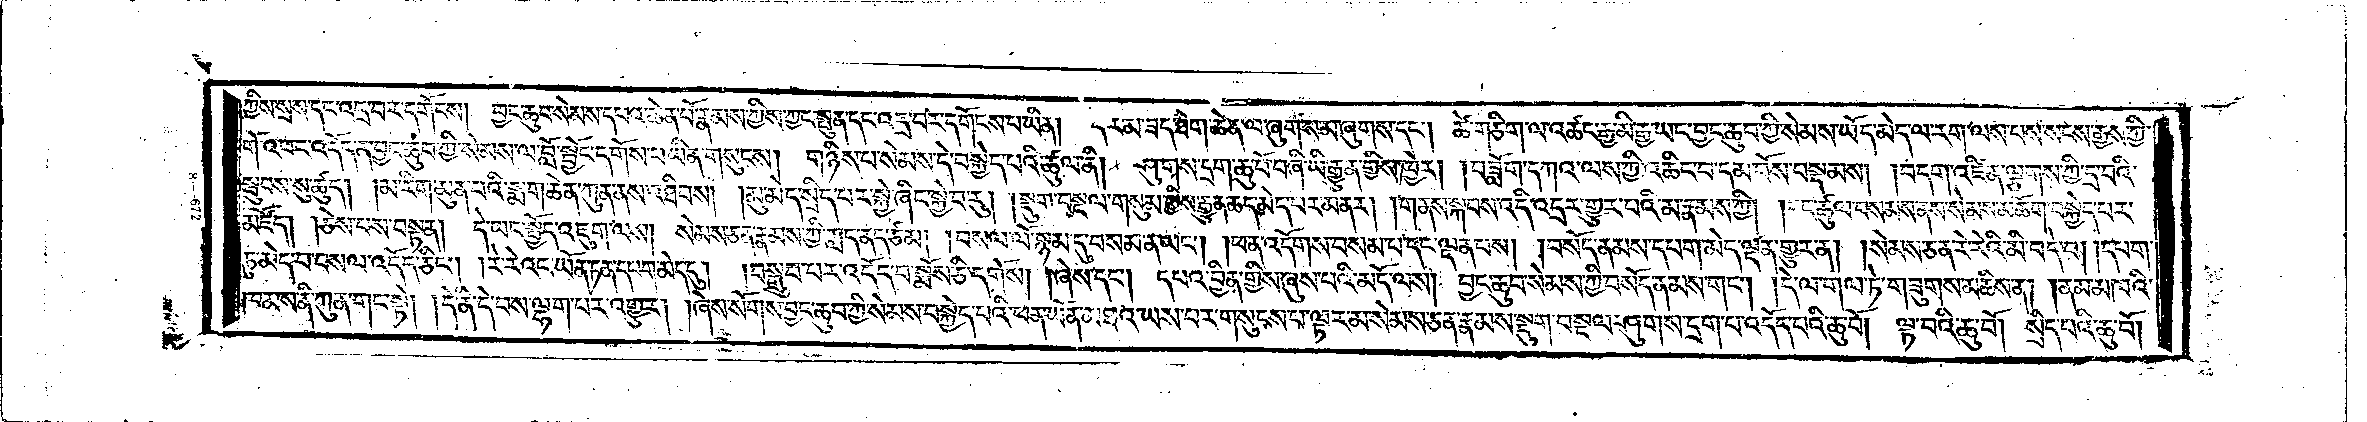ཀྱིས་སྲས་དང་འདྲ་བར་དགོངས། བྱང་ཆུབ་སེམས་དཔའ་ཆེན་པོ་རྣམས་ཀྱིས་ཀྱང་སྤུན་དང་འདྲ་བར་དགོངས་པ་ཡིན། དེར་མ་ཟད་ཐེག་ཆེན་ལ་ཞུགས་མ་ཞུགས་དང་། ཚེ་གཅིག་ལ་འཚང་རྒྱ་མི་རྒྱ་ཡང་བྱང་ཆུབ་ཀྱི་སེམས་ཡོད་མེད་ལ་རག་ལས་པས་སངས་རྒྱས་ཀྱི་
གོ་འཕང་འདོད་ན་བྱང་ཆུབ་ཀྱི་སེམས་ལ་བློ་སྦྱོང་དགོས་པ་ཡིན་གསུངས། གཉིས་པ་སེམས་དེ་བསྐྱེད་པའི་ཚུལ་ནི། ཤུགས་དྲག་ཆུ་བོ་བཞི་ཡི་རྒྱུན་གྱིས་ཁྱེར། །བཟློག་དཀའ་ལས་ཀྱི་འཆིང་བ་དམ་པོས་བསྡམས། །བདག་འཛིན་ལྕགས་ཀྱི་དྲ་བའི་
སྤུབས་སུ་ཚུད། །མ་རིག་མུན་པའི་སྨག་ཆེན་ཀུན་ནས་འཐིབས། མུ་མེད་སྲིད་པར་སྐྱེ་ཞིང་སྐྱེ་བ་རུ། །སྡུག་བསྔལ་གསུམ་གྱིས་རྒྱུན་ཆད་མེད་པར་མནར། །གནས་སྐབས་འདི་འདྲར་གྱུར་པའི་མ་རྣམས་ཀྱི། །ངང་ཚུལ་བསམས་ནས་སེམས་མཆོག་བསྐྱེད་བར་
མཛོད། །ཅེས་པས་བསྟན། དེ་ཡང་སྤྱོད་འཇུག་ལས། སེམས་ཅན་རྣམས་ཀྱི་ཀླད་ནད་ཙམ། །བསལ་ལོ་སྙམ་དུ་བསམ་ན་ཡང་། །ཕན་འདོགས་བསམ་པ་དང་ལྡན་པས། །བསོད་ནམས་དཔག་མེད་ལྡན་གྱུར་ན། །སེམས་ཅན་རེ་རེའི་མི་བདེ་བ། །དཔག་
ཏུ་མེད་པ་བསལ་འདོད་ཅིང་། །རེ་རེའང་ཡོན་ཏན་དཔག་མེད་དུ། །བསྒྲུབ་པར་འདོད་པ་སྨོས་ཅི་དགོས། །ཞེས་དང་། དཔའ་བྱིན་གྱིས་ཞུས་པའི་མདོ་ལས། བྱང་ཆུབ་སེམས་ཀྱི་བསོད་ནམས་གང་། །དེ་ལ་གལ་ཏེ་གཟུགས་མཆིས་ན། །ནམ་མཁའི་
ཁམས་ནི་ཀུན་གང་སྟེ། །དེ་ནི་དེ་བས་ལྷག་པར་འགྱུར། །ཞེས་སོགས་བྱང་ཆུབ་ཀྱི་སེམས་བསྐྱེད་པའི་ཕན་ཡོན་མཐའ་ཡས་པར་གསུངས་པ་ལྟར་མ་སེམས་ཅན་རྣམས་སྡུག་བསྔལ་ཤུགས་དྲག་པ་འདོད་པའི་ཆུ་བོ། ལྟ་བའི་ཆུ་བོ། སྲིད་པའི་ཆུ་བོ།